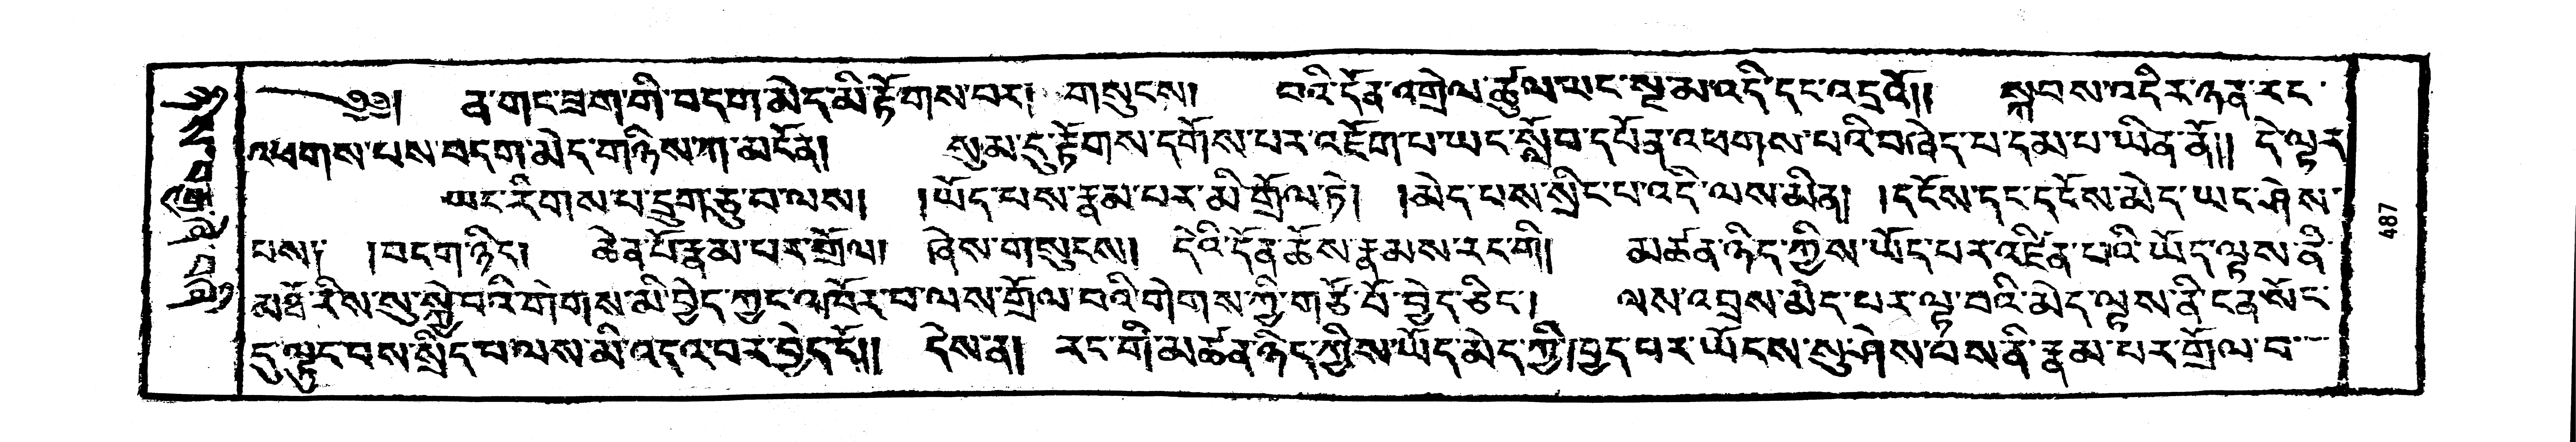༄༅། །ན་གང་ཟག་གི་བདག་མེད་མི་རྟོགས་པར། གསུངས། བའི་དོན་འགྲེལ་ཚུལ་ཡང་སྔ་མ་འདི་དང་འདྲའོ། །སྐབས་འདིར་ཉན་རང་
འཕགས་པས་བདག་མེད་གཉིས་ཀ་མངོན། སུམ་དུ་རྟོགས་དགོས་པར་འཇོག་པ་ཡང་སློབ་དཔོན་འཕགས་པའི་བཞེད་པ་དམ་པ་ཡིན་ནོ། །དེ་ལྟར་
ཡང་རིགས་པ་དྲུག་ཅུ་བ་ལས། །ཡོད་པས་རྣམ་པར་མི་གྲོལ་ཏེ། །མེད་པས་སྲིང་པ་འདི་ལས་མིན། །དངོས་དང་དངོས་མེད་ཡང་ཤེས་
པས། །བདག་ཉིད། ཆེན་པོ་རྣམ་པར་གྲོལ། ཞེས་གསུངས། དེའི་དོན་ཆོས་རྣམས་རང་གི། མཚན་ཉིད་ཀྱིས་ཡོད་པར་འཛིན་པའི་ཡོད་ལྟས་ནི་
མཐོ་རིས་སུ་སྐྱེ་བའི་གེགས་མི་བྱེད་ཀྱང་འཁོར་བ་ལས་གྲོལ་བའི་གེགས་ཀྱི་གཙོ་བོ་བྱེད་ཅིང་། ལས་འབྲས་མེད་པར་ལྟ་བའི་མེད་ལྟས་ནི་ངན་སོང་
དུ་ལྟུང་བས་སྲིད་པ་ལས་མི་འདའ་བར་བྱེད་དོ། །དེས་ན། རང་གི་མཚན་ཉིད་ཀྱིས་ཡོད་མེད་ཀྱི་ཁྱད་པར་ཡོངས་སུ་ཤེས་པས་ནི་རྣམ་པར་གྲོལ་བ་